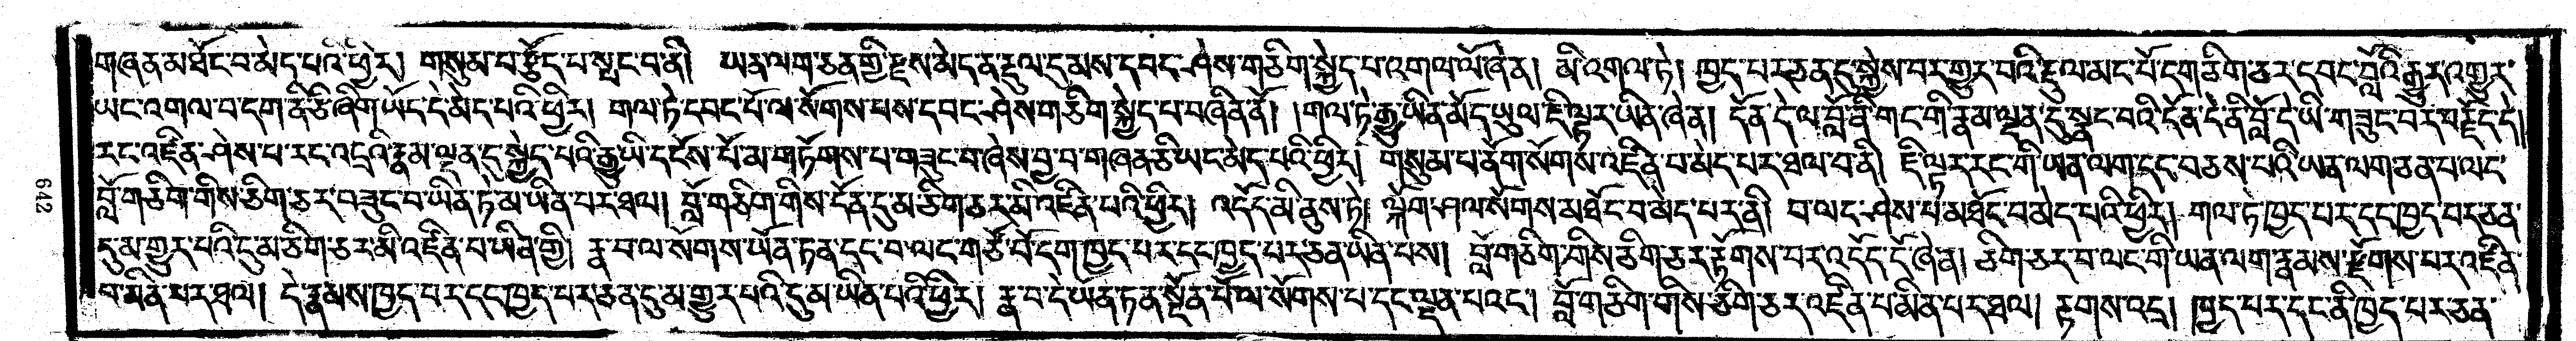གཞན་མཐོང་བ་མེད་པའི་ཕྱིར། གསུམ་པ་རྩོད་པ་སྤང་བ་ནི། ཡན་ལག་ཅན་གྱི་རྫས་མེད་ན་རྡུལ་དུ་མས་དབང་ཤེས་གཅིག་སྐྱེད་པ་འགལ་ལོ་ཞེ་ན། མི་འགལ་ཏེ། ཁྱད་པར་ཅན་དུ་སྐྱེས་པར་གྱུར་པའི་རྡུལ་མང་པོ་དག་ཅིག་ཅར་དབང་བློའི་རྒྱུར་འགྱུར་
ཡང་འགལ་བ་དག་ནི་ཙི་ཞིག་ཡོད་དེ་མེད་པའི་ཕྱིར། གལ་ཏེ་དབང་པོ་ལ་སོགས་པས་དབང་ཤེས་གཅིག་སྐྱེད་པ་བཞིན་ནོ། །གལ་ཏེ་རྒྱུ་ཡིན་མོད་ཡུལ་ཇི་ལྟར་ཡིན་ཞེ་ན། དོན་དེ་ལ་བློ་ནི་གང་གི་རྣམ་ལྡན་དུ་སྣང་བའི་དོན་དེ་ནི་བློ་དེ་ཡི་གཟུང་བར་བརྗོད་དེ།
རང་འཛིན་ཤེས་པ་རང་འདྲའི་རྣམ་ལྡན་དུ་སྐྱེད་པའི་རྒྱུ་ཡི་དངོས་པོ་མ་གཏོགས་པ་གཟུང་བ་ཞེས་བྱ་བ་གཞན་ཅི་ཡང་མེད་པའི་ཕྱིར། གསུམ་པ་ནོག་སོགས་འཛིན་པ་མེད་པར་ཐལ་བ་ནི། ཇི་ལྟར་རང་གི་ཡན་ལག་དང་བཅས་པའི་ཡན་ལག་ཅན་པ་ལང་
བློ་གཅིག་གིས་ཅིག་ཅར་བཟུང་བ་ཡིན་ཏེ་མ་ཡིན་པར་ཐལ། བློ་གཅིག་གིས་དོན་དུ་མ་ཅིག་ཅར་མི་འཛིན་པའི་ཕྱིར། འདོད་མི་ནུས་ཏེ། ལྐོག་ཤལ་སོགས་མཐོང་བ་མེད་པར་ནི། བ་ལང་ཤེས་པ་མཐོང་བ་མེད་པའི་ཕྱིར། གལ་ཏེ་ཁྱད་པར་དང་ཁྱད་པར་ཅན་
དུ་མ་གྱུར་པའི་དུ་མ་ཅིག་ཅར་མི་འཛིན་པ་ཡིན་གྱི། རྣ་བ་ལ་སོགས་ཡོན་ཏན་དང་བ་ལང་གཙོ་བོ་དག་ཁྱད་པར་དང་ཁྱད་པར་ཅན་ཡིན་པས། བློ་གཅིག་གིས་ཅིག་ཅར་རྟོགས་པར་འདོད་དོ་ཞེ་ན། ཅིག་ཅར་བ་ལང་གི་ཡན་ལག་རྣམ་རྫོགས་པར་འཛིན་
བ་མིན་པར་ཐལ། དེ་རྣམས་ཁྱད་པར་དང་ཁྱད་པར་ཅན་དུ་མ་གྱུར་པའི་དུ་མ་ཡིན་པའི་ཕྱིར། རྣ་བ་དེ་ཡོན་ཏན་སྔོན་པོ་ལ་སོགས་པ་དང་ལྡན་པའང་། བློ་གཅིག་གིས་ཅིག་ཅར་འཛིན་པ་མིན་པར་ཐལ། རྟགས་འདྲ། ཁྱད་པར་